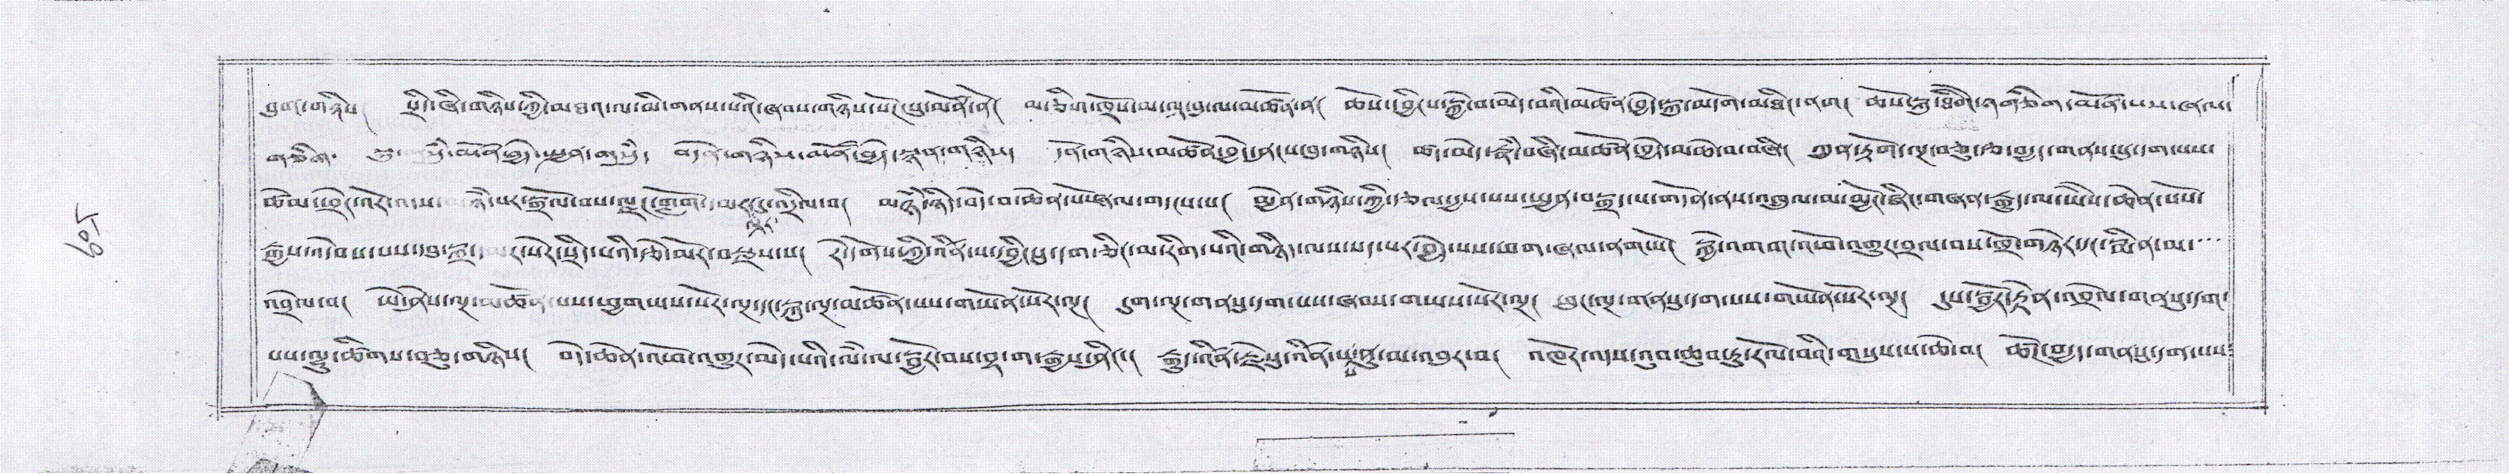བུག་གཉིས། སྲིད་ཞི་གཉིས་ཀྱི་མཐའ་ལ་མི་གནས་པའི་ཞབས་གཉིས་སོགས་སུ་མཚོན་ནོ། །མ་ཅིག་འཁྲོས་མ་ལྟ་བུ་ལ་མཚོན་ན། ཆོས་དབྱིངས་སྐྱེ་བ་མེད་པའི་མཚོན་བྱེད་སྐུ་མདོག་མཐིང་ནག ཆོས་སྐུ་ཐིག་ལེ་གཅིག་མཚོན་པས་ཞལ་
གཅིག སྐུ་གསུམ་མཚོན་བྱེད་སྤྱན་གསུམ། བདེན་གཉིས་མཚོན་བྱེད་སྙན་གཉིས། དོན་གཉིས་མཚོན་བྱེད་ཤངས་བུ་གཉིས། ཚད་མེད་རྣམ་བཞི་མཚོན་བྱེད་མཆེ་བ་བཞི། ཀུན་རྟོག་ལྔ་བཅུ་རྩ་བརྒྱད་གནས་སུ་དག་པས་
ཚེམ་ཕྲེང་འཁོར་འདས་མཉམ་པར་སྒྲོལ་བས་ལྗགས་གློག་དམར་ལྟར་འདྲིལ་བ། མཉམ་ཉིད་བདེ་བ་ཆེན་པོ་ཞལ་གདང་བ། མཁྱེན་གཉིས་ཀྱི་རྩལ་རྒྱས་པས་སྤྱན་བསྒྲད་པ། གདོད་ནས་འཁྲུལ་མ་མྱོང་ཞིང་གཞན་རྒྱུད་ལ་ཡེ་ཤེས་ཆེན་པོས་
རྒྱས་འདེབས་པས་དབུ་སྐྲ་དམར་སེར་སྲིད་པའི་རྩེ་མོར་བརྫེས་པ། རེ་དྭོགས་ཀྱི་འཛིན་པ་དབྱིངས་སུ་དག་ཅིང་མ་རིག་པའི་གཉིད་ལས་སད་པར་བྱེད་པས་ཕག་ཞལ་ནག་པོ། སྐྱེ་འགག་འཕོ་འགྱུར་བྲལ་བས་ཁྲོ་གཉེར་དང་སྨིན་མ་
འབྲེལ་བ། ཡེ་ཤེས་ལྔ་མཚོན་པས་ཕྱག་གཡས་སོར་ལྔ་དང་སྐུ་ལྔ་མཚོན་པས་གཡོན་སོར་ལྔ། དུག་ལྔ་གནས་སུ་དག་པས་ཞབས་གཡས་སོར་ལྔ། ཕུང་ལྔ་གནས་སུ་དག་པས་གཡོན་སོར་ལྔ། དུས་སྦྱོར་རྟེན་འབྲེལ་གནས་སུ་དག་
པས་ལྷུ་ཚིགས་བཅུ་གཉིས། བདེ་ཆེན་འཕོ་འགྱུར་མེད་པའི་ལམ་ལ་སྦྱོར་བས་བྷ་ག་རྒྱས་ཤིང་། རྒྱུད་འཛིན་རྗེས་སུ་འཛིན་པས་ནུ་མ་འབུར་བ། འཁོར་འདས་འུབས་ཆུབ་ཏུ་རོལ་པས་གསུས་པ་ཆེ་བ། ཚོགས་བརྒྱད་གནས་སུ་དག་པས་